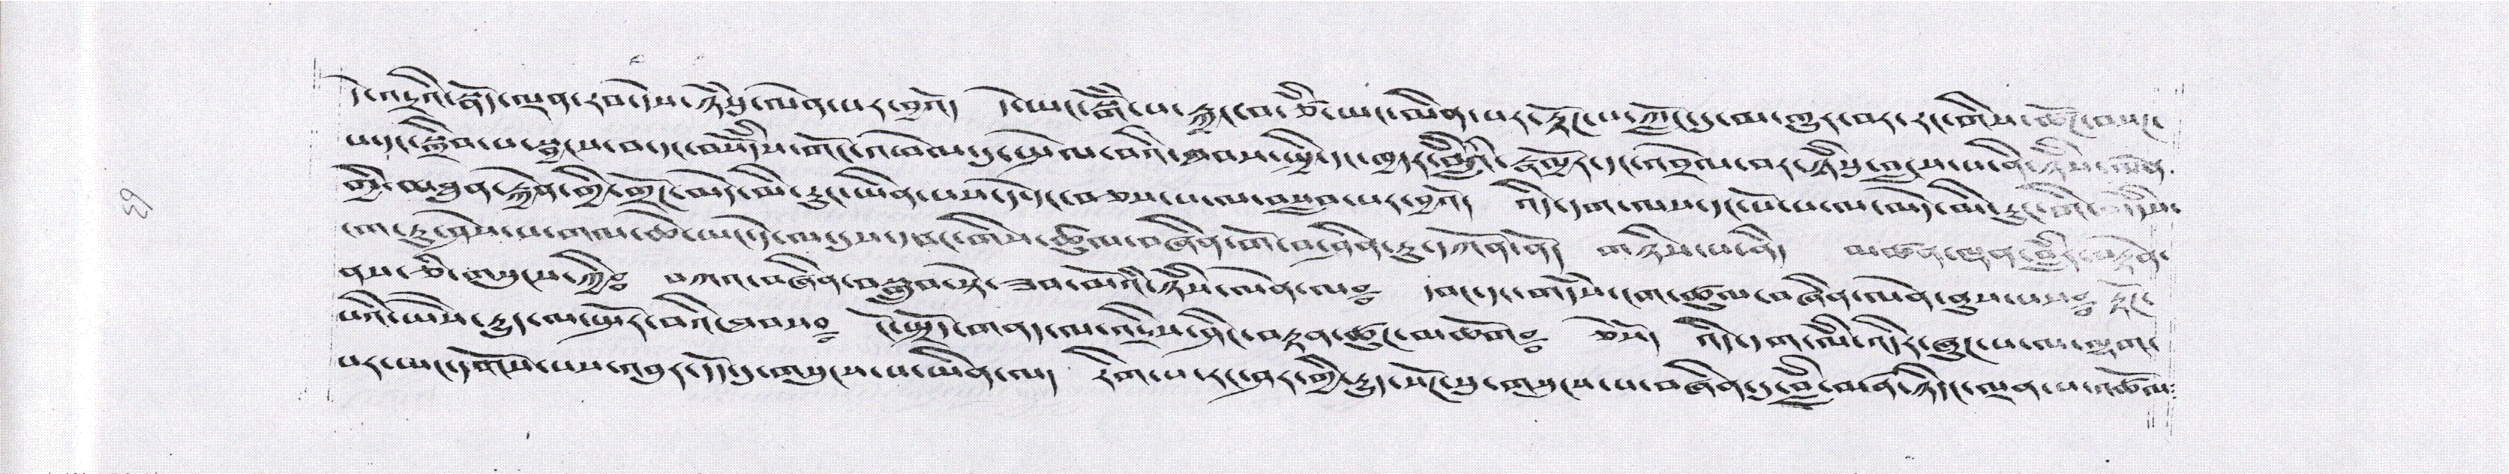དེ་འདྲའི་སྣོད་ལྡན་རབ་དེས་ཉམས་སུ་ལེན་པར་བྱའོ། དེ་ཡང་སྒོམ་པ་རྐྱང་བ་ཙམ་ཡང་མིན་པར་རྟོགས་པ་ཀློང་དུ་མ་གྱུར་བར་རང་གིས་ཚོགས་བསགས་
པ་དང་སྒྲིབ་པ་སྦྱང་བ་དང་བསོད་ནམས་གོང་འཕེལ་དུ་སྤེལ་བའི་ཐབས་སྤྱི་དང་ཁྱད་པར་བླ་མའི་རྣལ་འབྱོར་དང་འབྲེལ་བར་ཉམས་སུ་བླང་བ་ནི་ཉམས་ལེན་
གྱི་མཐུན་རྐྱེན་གྱི་གྲོགས་མེད་དུ་མི་རུང་བ་ཡིན་པས་དེ་དང་བཅས་པ་ལ་བསླབ་པར་བྱའོ། འདི་དག་ལས་དང་པོ་བ་ལ་མེད་མི་རུང་གི་གདམས་
ངག་ཏུ་ཤེས་པ་གལ་ཆེ་ཡང་དེ་ལ་དུས་དབང་གིས་ཚུལ་བཞིན་གོ་བ་ཤིན་ཏུ་དཀོན་ནོ། གཉིས་པ་ནི། མཚན་ལྡན་བླ་མ་བསྟེན་
ནས་ཅི་གསུངས་ཀྱིཿ བཀའ་བཞིན་བསྒྲུབ་སྟེ་ཟབ་མོའི་ཉམས་ལེན་ལཿ དབང་དང་གདམས་ངག་ཚུལ་བཞིན་ལེན་ནུས་པསཿ རྟོགས་
པའི་ཡེ་ཤེས་རྒྱུད་ལ་སྤོར་བའི་ཐབསཿ ངོ་སྤྲོད་གནད་ལ་འདྲིས་ཤིང་བརྟན་ཚུགས་མཆོགཿ ཅེས་སོ། འདི་དག་ལམ་འདིར་ཞུགས་པ་ལ་ལྷག་
པར་ཡང་དགོས་པས་འབུར་དོད་དུ་གསུངས་པ་ཡིན་ལ། རིག་པ་རང་ཤར་གྱི་རྒྱུད་སོགས་སུ་གསུངས་པ་བཞིན་དུ་བླ་མ་མཚན་ཉིད་དང་ལྡན་པ་འཚོལ་